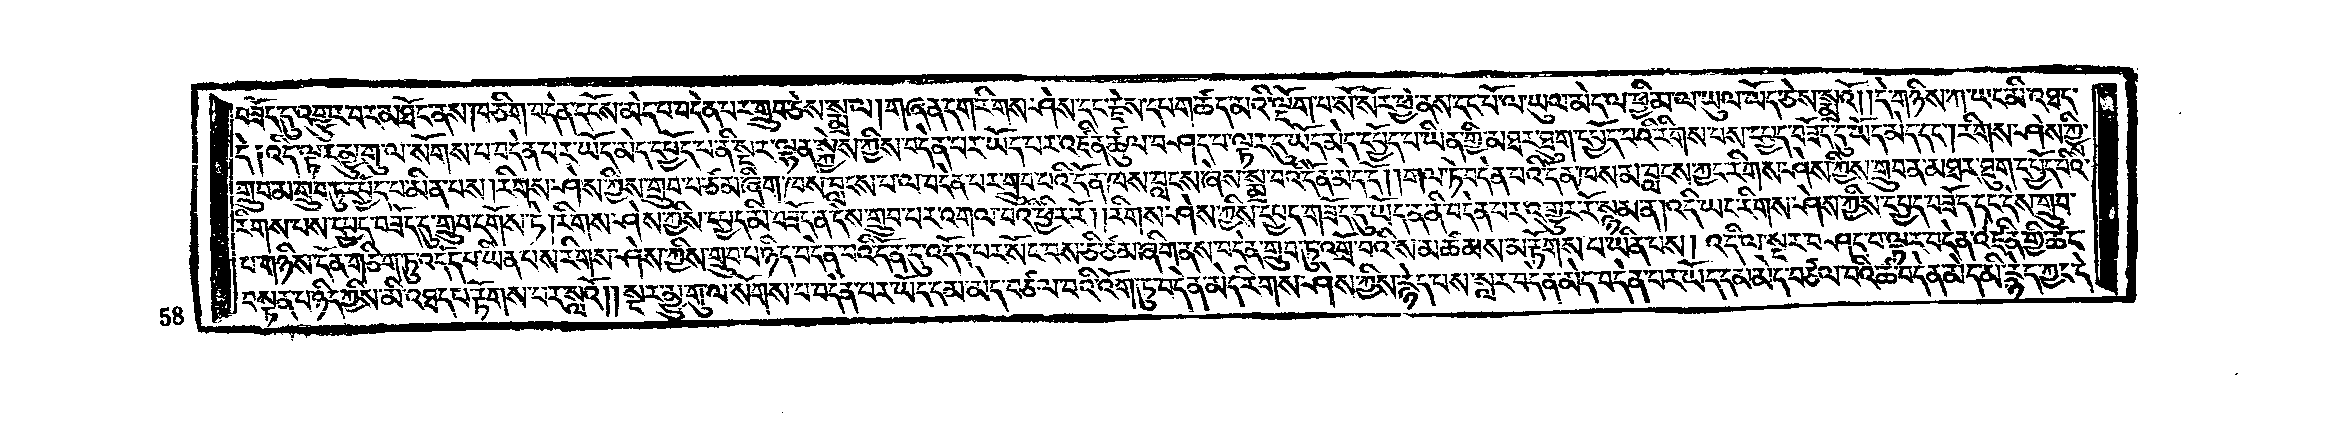བཟོད་དུ་འགྱུར་བར་མཐོང་ནས་ཁ་ཅིག་བདེན་དངོས་མེད་པ་བདེན་པར་གྲུབ་ཅེས་སྨྲ་ལ། གཞན་དག་རིགས་ཤེས་དང་རྗེས་དཔག་ཚད་མའི་ལྡོག་པ་སོ་སོར་ཕྱེ་ནས་དང་པོ་ལ་ཡུལ་མེད་ལ་ཕྱི་མ་ལ་ཡུལ་ཡོད་ཅེས་སྨྲའོ། །དེ་གཉིས་ཀ་ཡང་མི་འཐད་
དེ༑ འདི་ལྟར་མྱུ་གུ་ལ་སོགས་པ་བདེན་པར་ཡོད་མེད་དཔྱོད་པ་ནི་སྔར་ལྷན་སྐྱེས་ཀྱིས་བདེན་པར་ཡོད་པར་འཛིན་ཚུལ་བཤད་པ་ལྟར་དུ་ཡོད་མེད་དཔྱོད་པ་ཡིན་གྱི་མཐར་ཐུག་དཔྱོད་པའི་རིགས་པས་དཔྱད་བཟོད་དུ་ཡོད་མེད་དང་། རིགས་ཤེས་ཀྱི་
གྲུབ་མ་གྲུབ་ཏུ་དཔྱོད་པ་མིན་པས། རིགས་ཤེས་ཀྱིས་གྲུབ་པ་ཙམ་ཞིག་ཁས་བླངས་པ་ལ་བདེན་པར་གྲུབ་པའི་དོན་ཁས་བླངས་ཞེས་སྨྲ་བའི་དོན་མེད་དོ། །གལ་ཏེ་བདེན་པའི་དོན་ཁས་མ་བླངས་ཀྱང་རིགས་ཤེས་ཀྱིས་གྲུབ་ན་མཐར་ཐུག་དཔྱོད་པའི་
རིགས་པས་དཔྱད་བཟོད་དུ་གྲུབ་དགོས་ཏེ། རིགས་ཤེས་ཀྱིས་དཔྱད་མི་བཟོད་དེས་གྲུབ་པར་འགལ་བའི་ཕྱིར་རོ། །རིགས་ཤེས་ཀྱིས་དཔྱད་གཟོད་དུ་ཡོད་ན་ནི་བདེན་པར་འགྱུར་རོ་སྙམ་ན། འདི་ཡང་རིགས་ཤེས་ཀྱིས་དཔྱད་བཟོད་དང་དེས་གྲུབ་
པ་གཉིས་དོན་གཅིག་ཏུ་འདོད་པ་ཡིན་པས་རིགས་ཤེས་ཀྱིས་གྲུབ་པ་ཉིད་བདེན་པའི་དོན་དུ་འདོད་པར་སོང་བས་ཅི་ཙམ་ཞིག་ནས་བདེན་གྲུབ་ཏུ་འགྲོ་བའི་ས་མཚམས་མ་རྟོགས་པ་ཡིན་པས། འདི་ལ་སྔར་བཤད་པ་ལྟར་བདེན་འཛིན་གྱི་ཚང་
བསྟན་པ་ཉིད་ཀྱིས་མི་འཐད་པ་རྟོགས་པར་སླའོ། །སྔར་མྱུ་གུ་ལ་སོགས་པ་བདེན་པར་ཡོད་དམ་མེད་བཙལ་བའི་འོག་ཏུ་བདེན་མེད་རིགས་ཤེས་ཀྱིས་རྙེད་པས་སླར་བདེན་མེད་བདེན་པར་ཡོད་དམ་མེད་བཙལ་བའི་ཚ་བདེན་མེད་མི་རྙེད་ཀྱང་དེ་